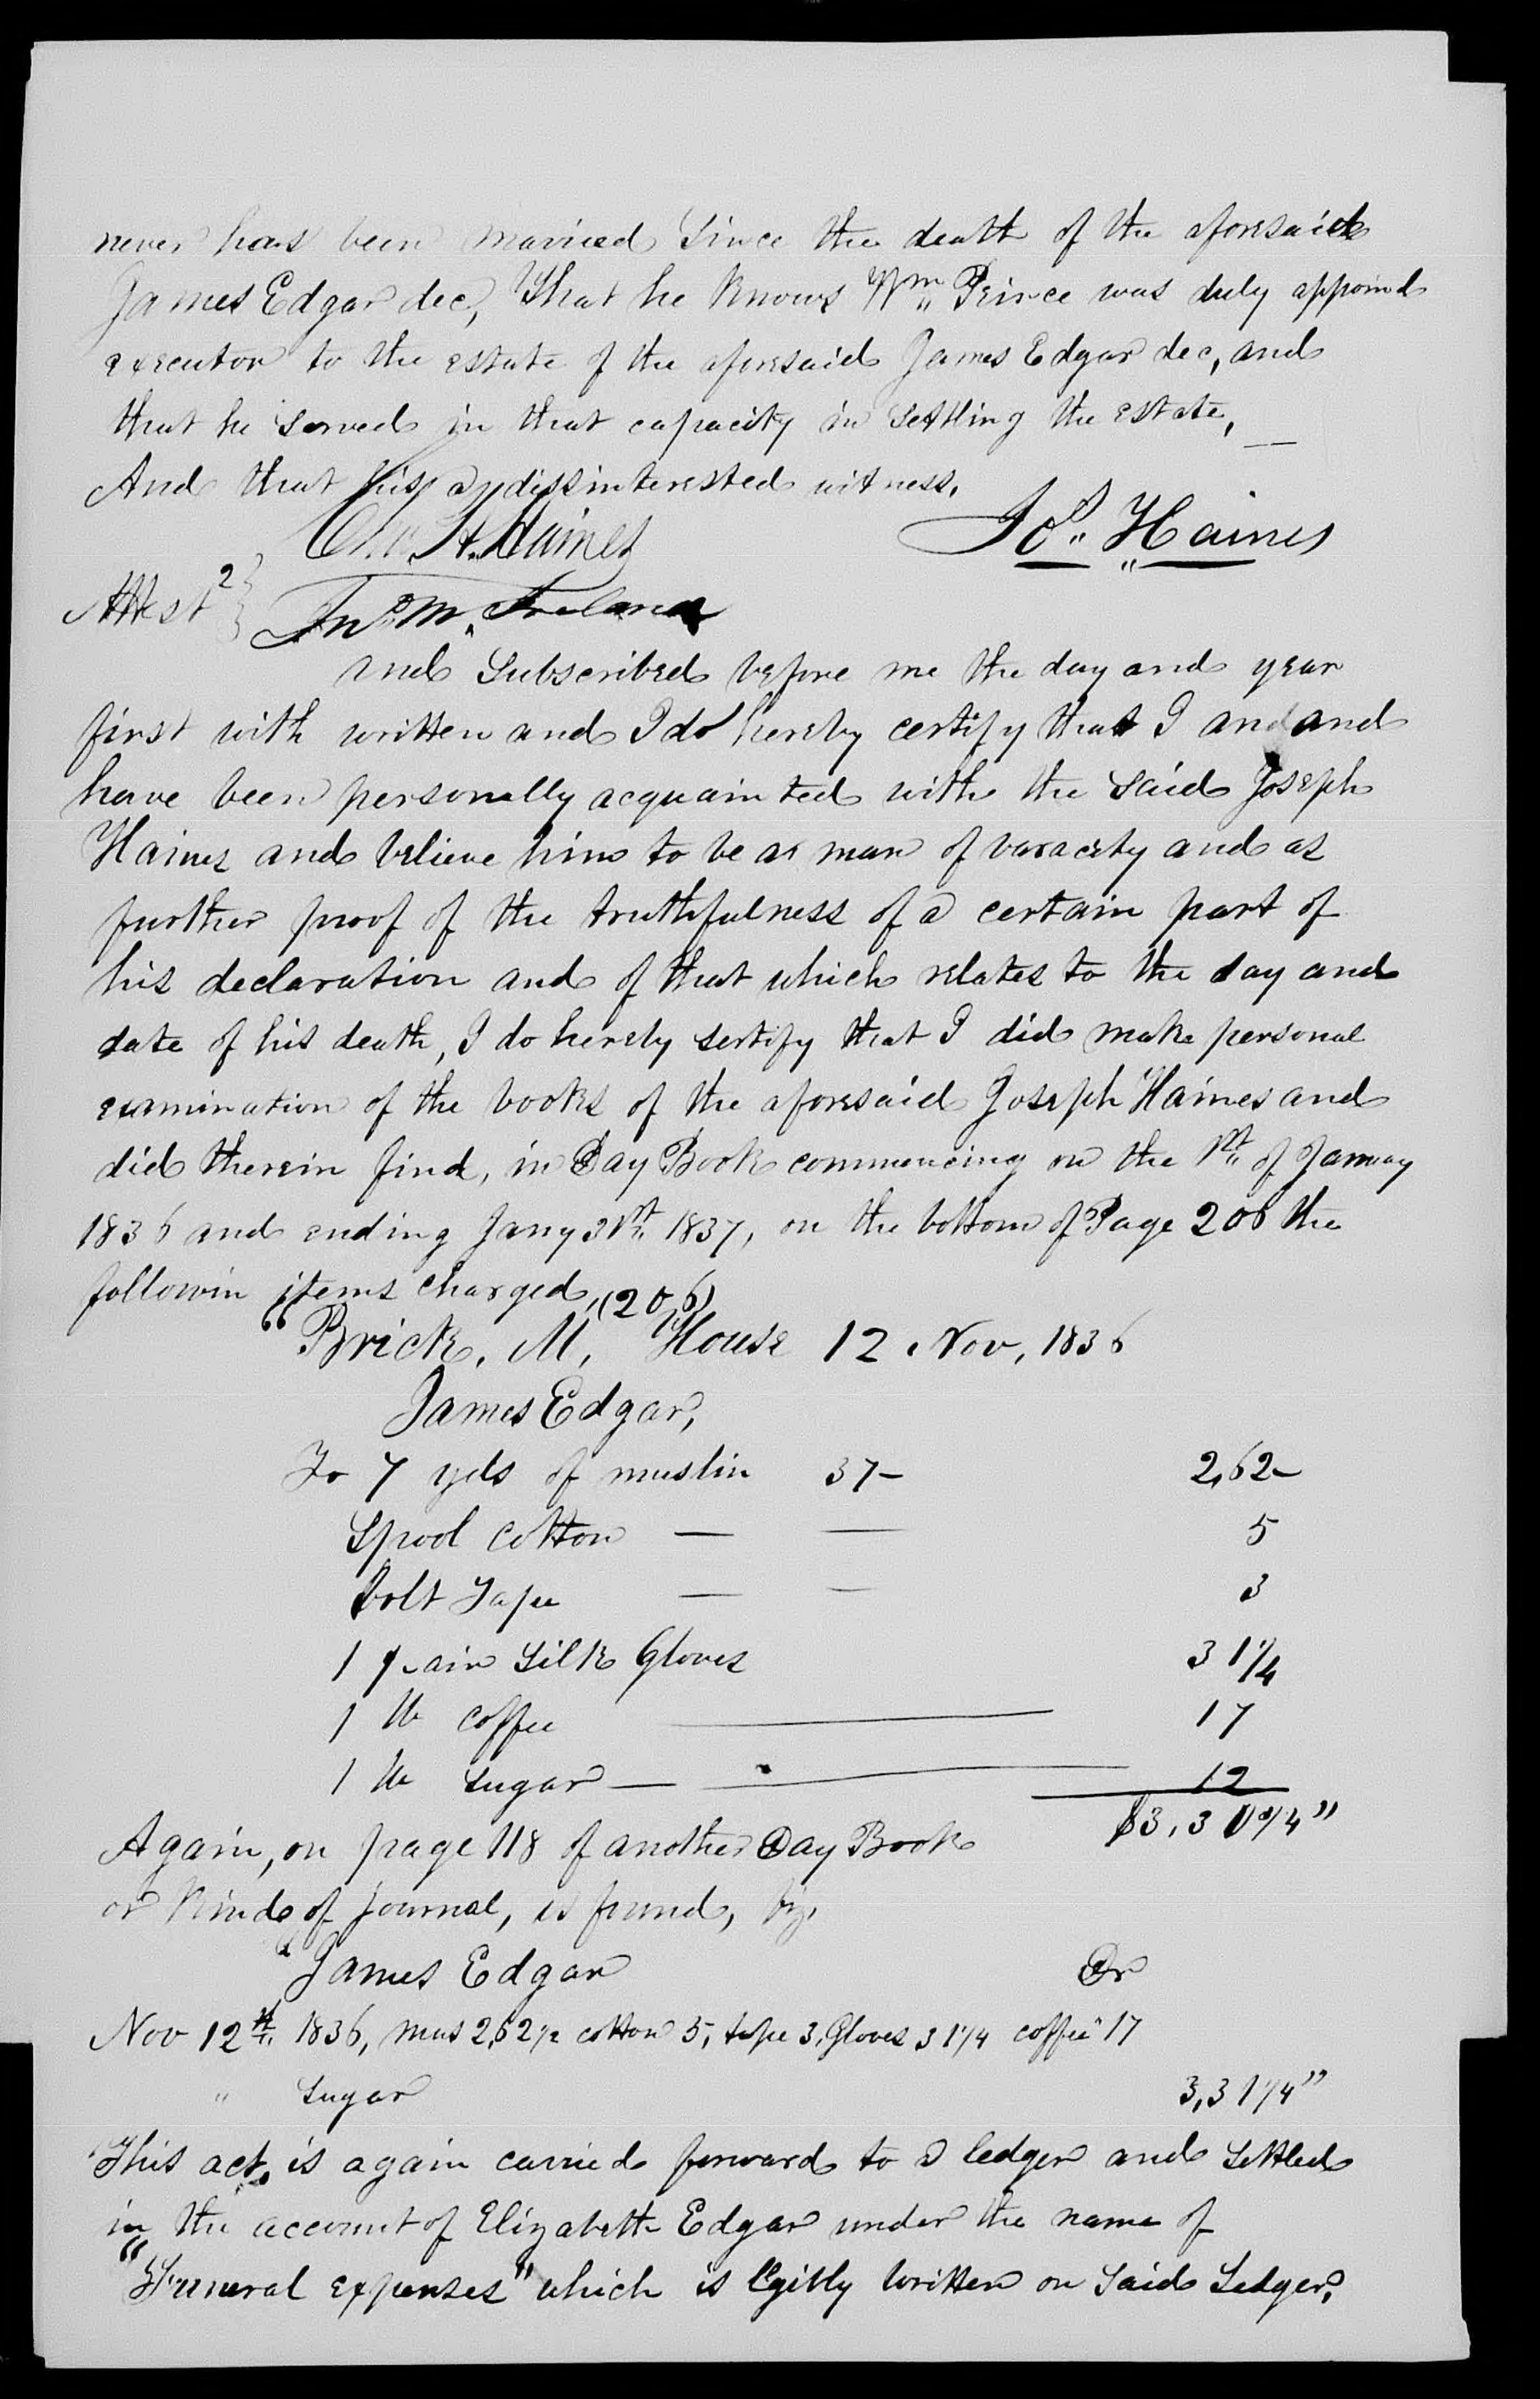Never has been married since the death of the aforesaid
James Edgar dec, That he knows Wm Pierce was duly appointed
execution to the Estate of the aforesaid James Edgar dec, and that he 
served in that capacity in settling the Estate
that his a disinterested witness,
Jos Haines
Attest 2 Jos Haines
Jno M Freeland
and subscribed before me the day and year
first with written and I do hereby certify that I and and
have been personally acquainted with the said Joseph
Haines and believe him to be a man of veracity and as
further proof of the truthfulness of a certain part of
his declaration and of that which relates to the day and
date of his death, I do hereby certify that I did make personal
examination of the books of the aforesaid Joseph Haines and
did therein find, in Day Book commencing on the 1st of January
1836 and ending Jany 31st 1837, on the bottom of page 200 the
following the charged, 
Brick, M (206) house 12 Nov. 1836
James Edgar, 
7 yds of muslin 37- 2.62
Spool Cotton --- 5
Bolt tape ----    3
1 plain silk gloves ---- 31/4
1 lb coffee ---- 17
1 lb sugar --- 12
$3,3174"

Again, on page 118 of another day Books 
or kinde of journal, is found by 
James Edgar
Nov 12th 1836, mus 2,62/ cotton 3-, coffee 3, gloves 3 1/4 coffee 17
3, 31 1/4

This act is again carried forward to ledger and settled
account of Elizabeth Edgar under the name of
Funeral Expenses which is legibly written on said Ledger,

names: Jno M Freland, Ledger, Jos Haines, Chas H Haines, Elizabeth Edgar, Joseph Haines, Joseph Haines, James Edgar, James Edgar, Wm Peirce, James Edgar, James Edgar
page: 48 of 74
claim: widow's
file: W. 9422, James Edgar, Penn.